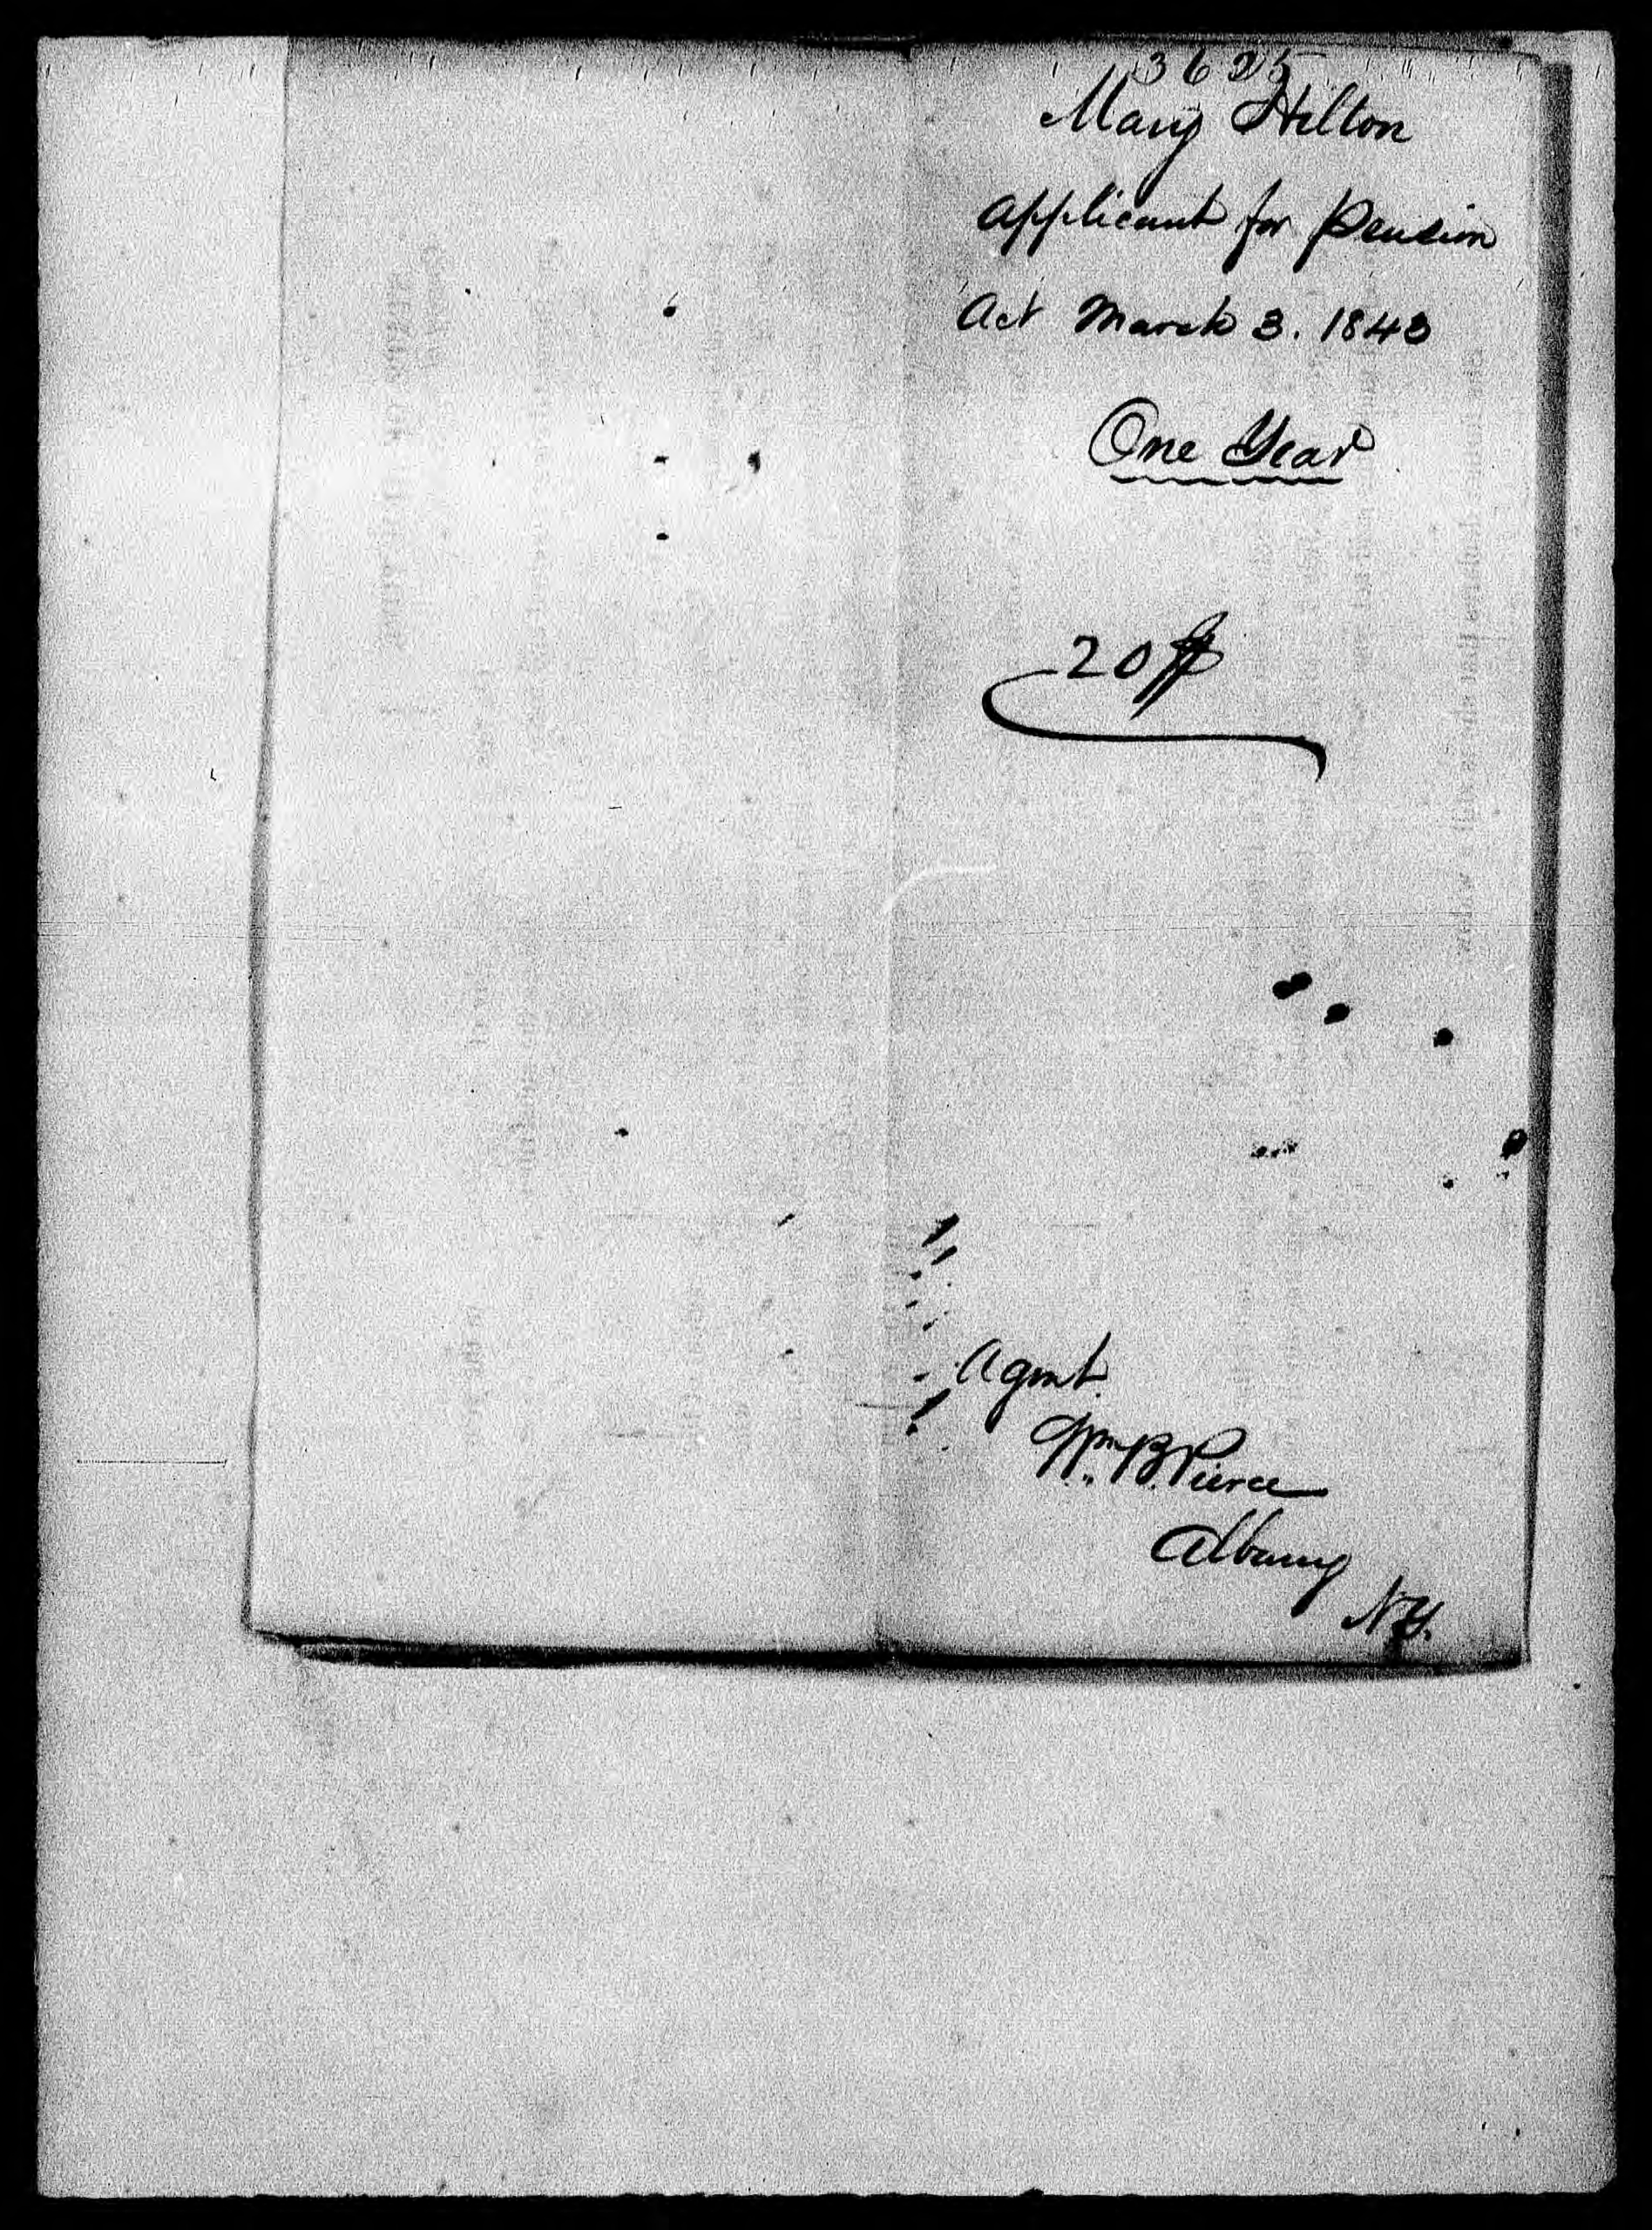3625

Mary Hilton
Applicant for Pension
Act. March 3. 1843
One Year


20$


Agent Wm. B. Pierce
Albany NY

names: Mary Hilton, Wm B Pierce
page: 28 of 48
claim: widow's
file: W. 19788, Jacob W Hilton, New York